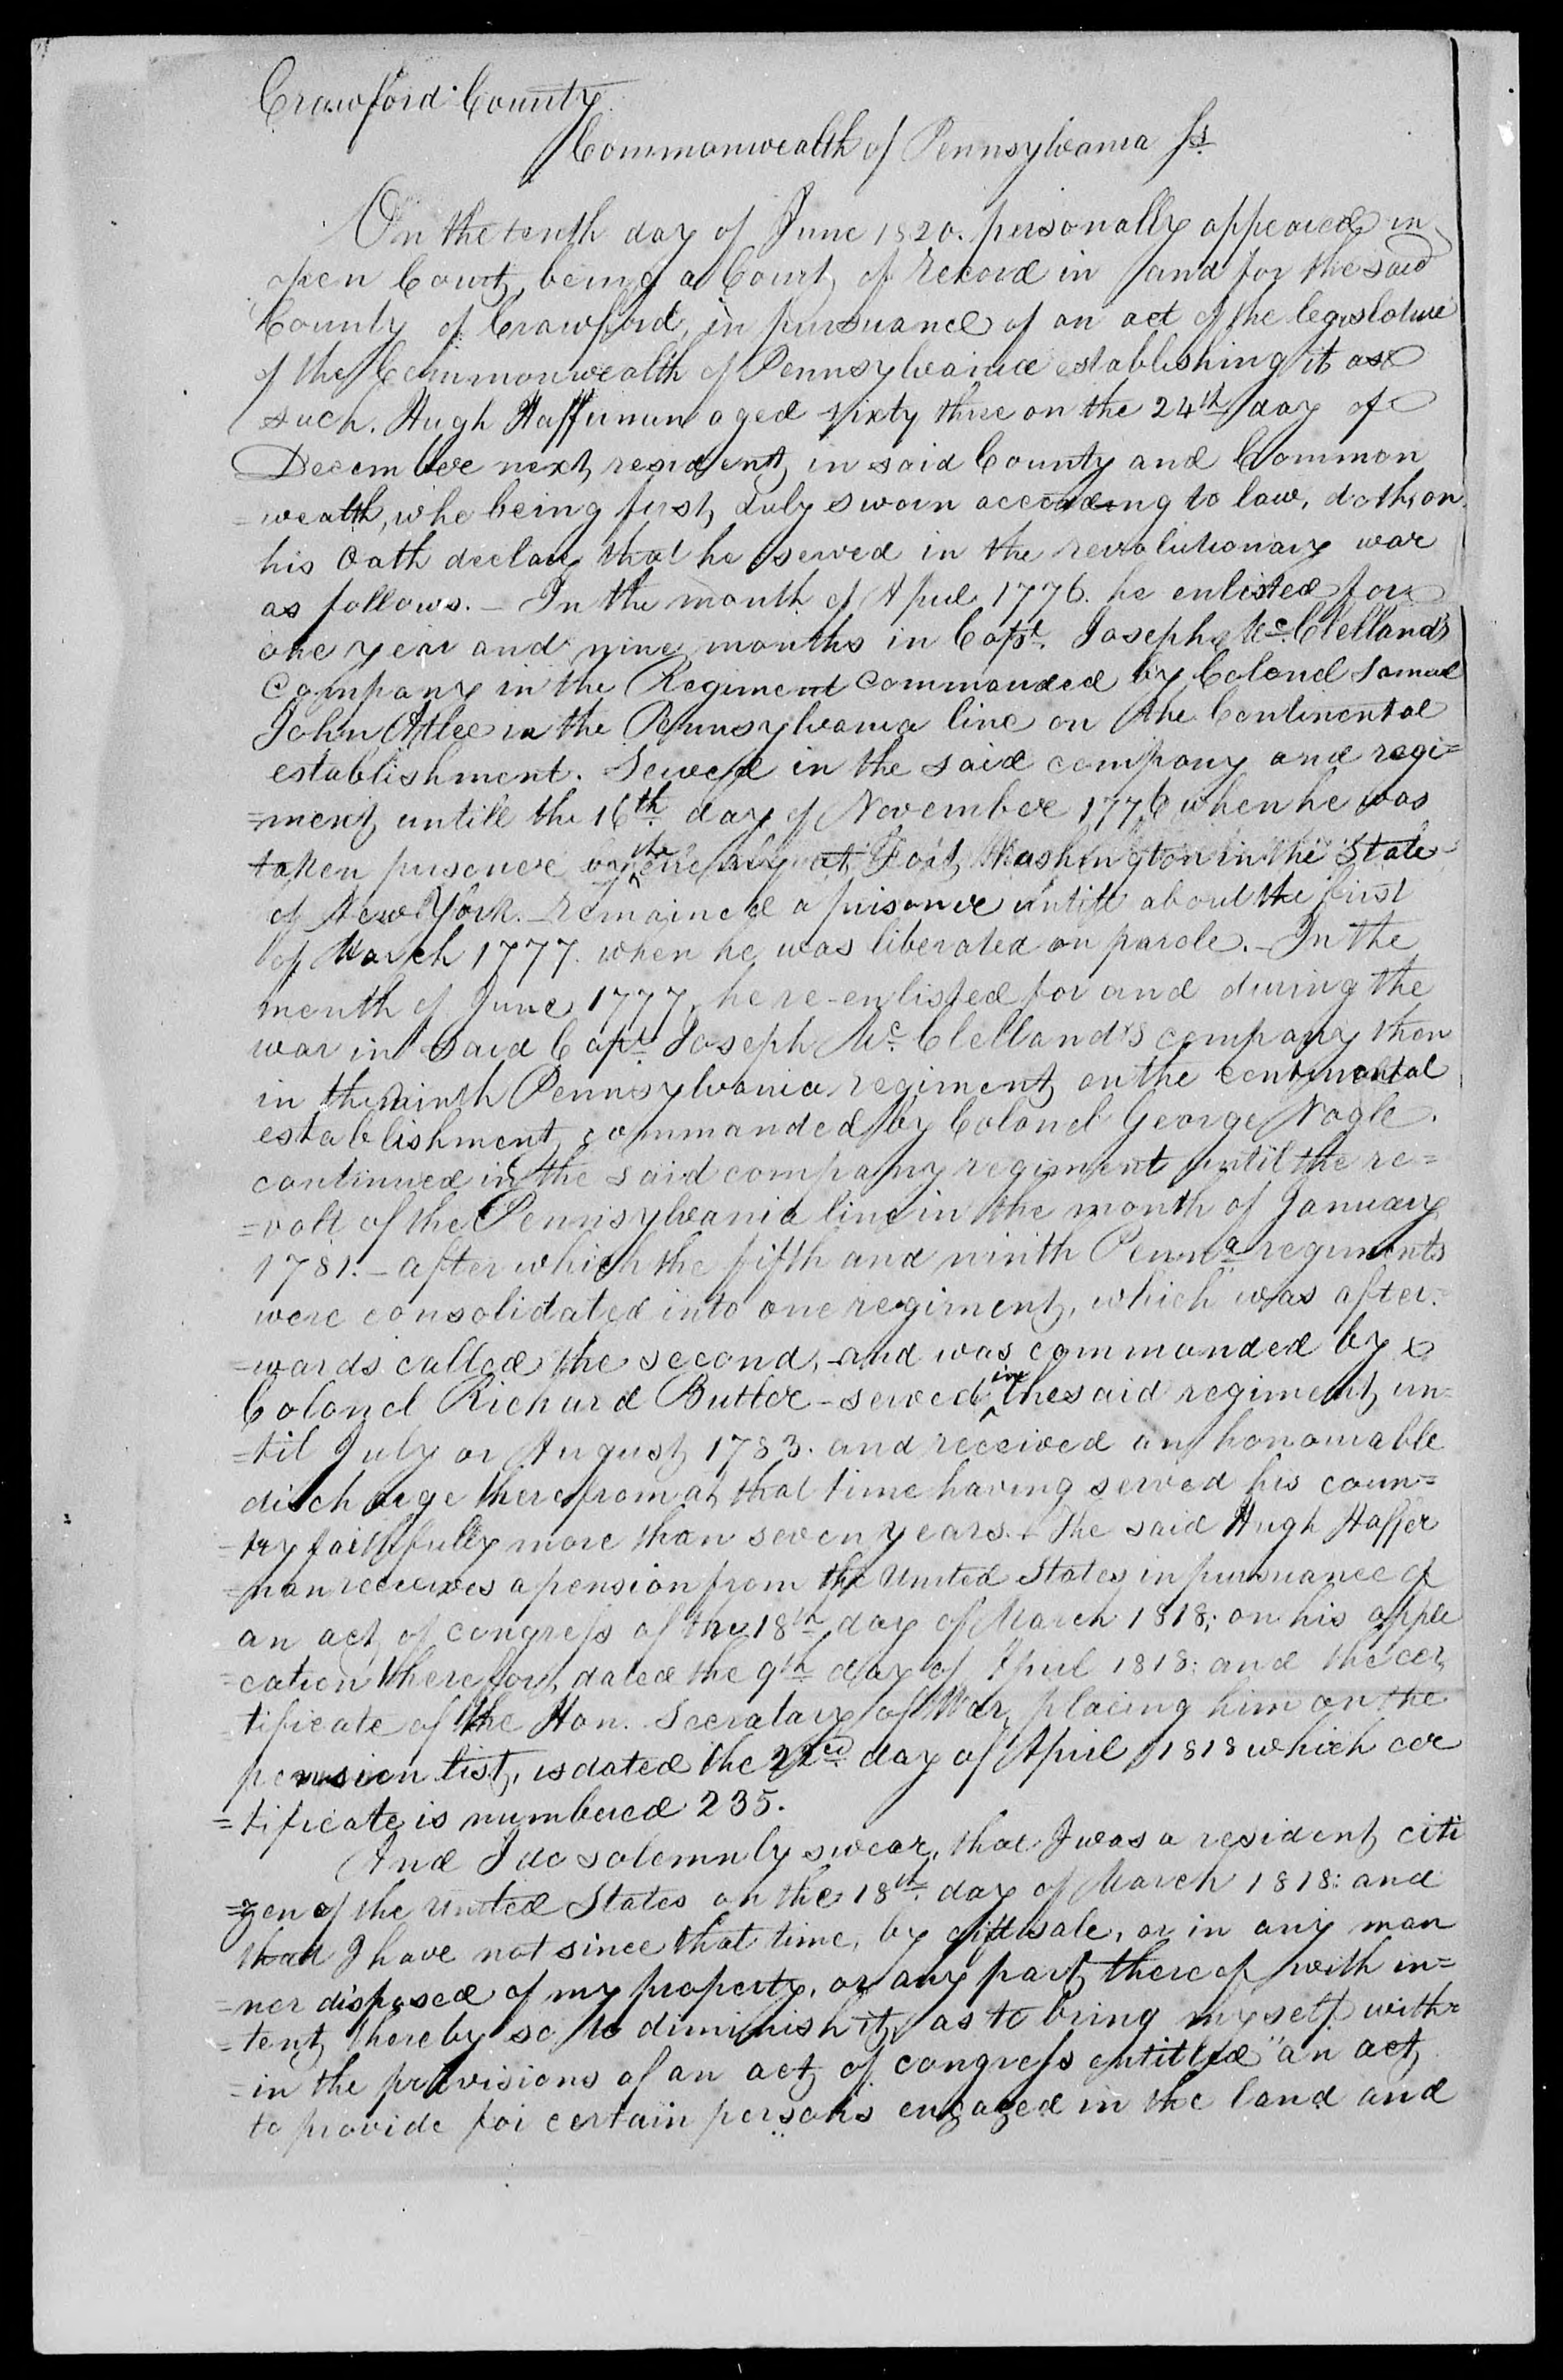Crawford County
Commonwealth of Pennsylvania ss
On the tenth day of June 1820 personally appeared in open Court being a Court of record in and for the said
County of Crawford, in pursuance of an act of the legislative
of the Commonwealth of Pennsylvania establishing it as such. Hugh Haffernen aged sixty three on the 24th day of
December next resident, in said County and Commonwealth, who being first duly sworn according to law, doth on
his oath declare that he served in the revolutionary war as follows. 
In the month of April 1776 he enlisted for
one year and nine months in Capt Joseph McClelland's Company in the Regiment commanded by Colonel Samuel
John Atlee in the Pennsylvania line on the Continental establishment. Served in the said company and req
ment untill the 16th day of November 1776 when he was taken prisoner by the enemy at Fort Washington in the State of New York.
remained a prisoner untill about the first
of March 1777, when he was liberated on parole. In the month of June 1777 he re-enlisted for and during the
war in said Capt Joseph McClelland's company then in the ninth Pennsylvania regiment on the continental establishment, commanded by Colonel George Nagle.
Continued in the said company regiment until the reavolt of the Pennsylvania line in the month of January 1781. after which the fifth and ninth Penna regiments were consolidated into one regiment, which was afterwards called the second, and was commanded by
Colonel Richard Butler - served in the said regiment untill July or August 1783 and received an honourable
discharge there from at that time having served his country faithfully more than seven years. 
The said Hugh Haffernan
has receives a pension from the United States in pursuance of an act of congress of the 18th day of March 1818; on his application therefore, dated the 9th day of April 1818; and the
certificate of the Hon Secretary of War, placing him on the pension list is dated the 22nd day of April 1818 which certificate is numbered 235.
And I do solemnly swear, that I was a resident citizen of the United States on the 18th day of March 1818. and that I have not since that time, by gift sale, or in any manner disposed of my property, or any part thereof with intent hereby so to diminish it as to bring myself with
in the provisions of an act of congress entitled "an act to provide for certain persons engaged in the land and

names: George Nagle, Samuel John Atlee, Hugh Haffernan, Hugh Haffernan, Richard Butler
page: 7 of 21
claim: rejected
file: R. 4419, Hugh Haffernan, Penn.